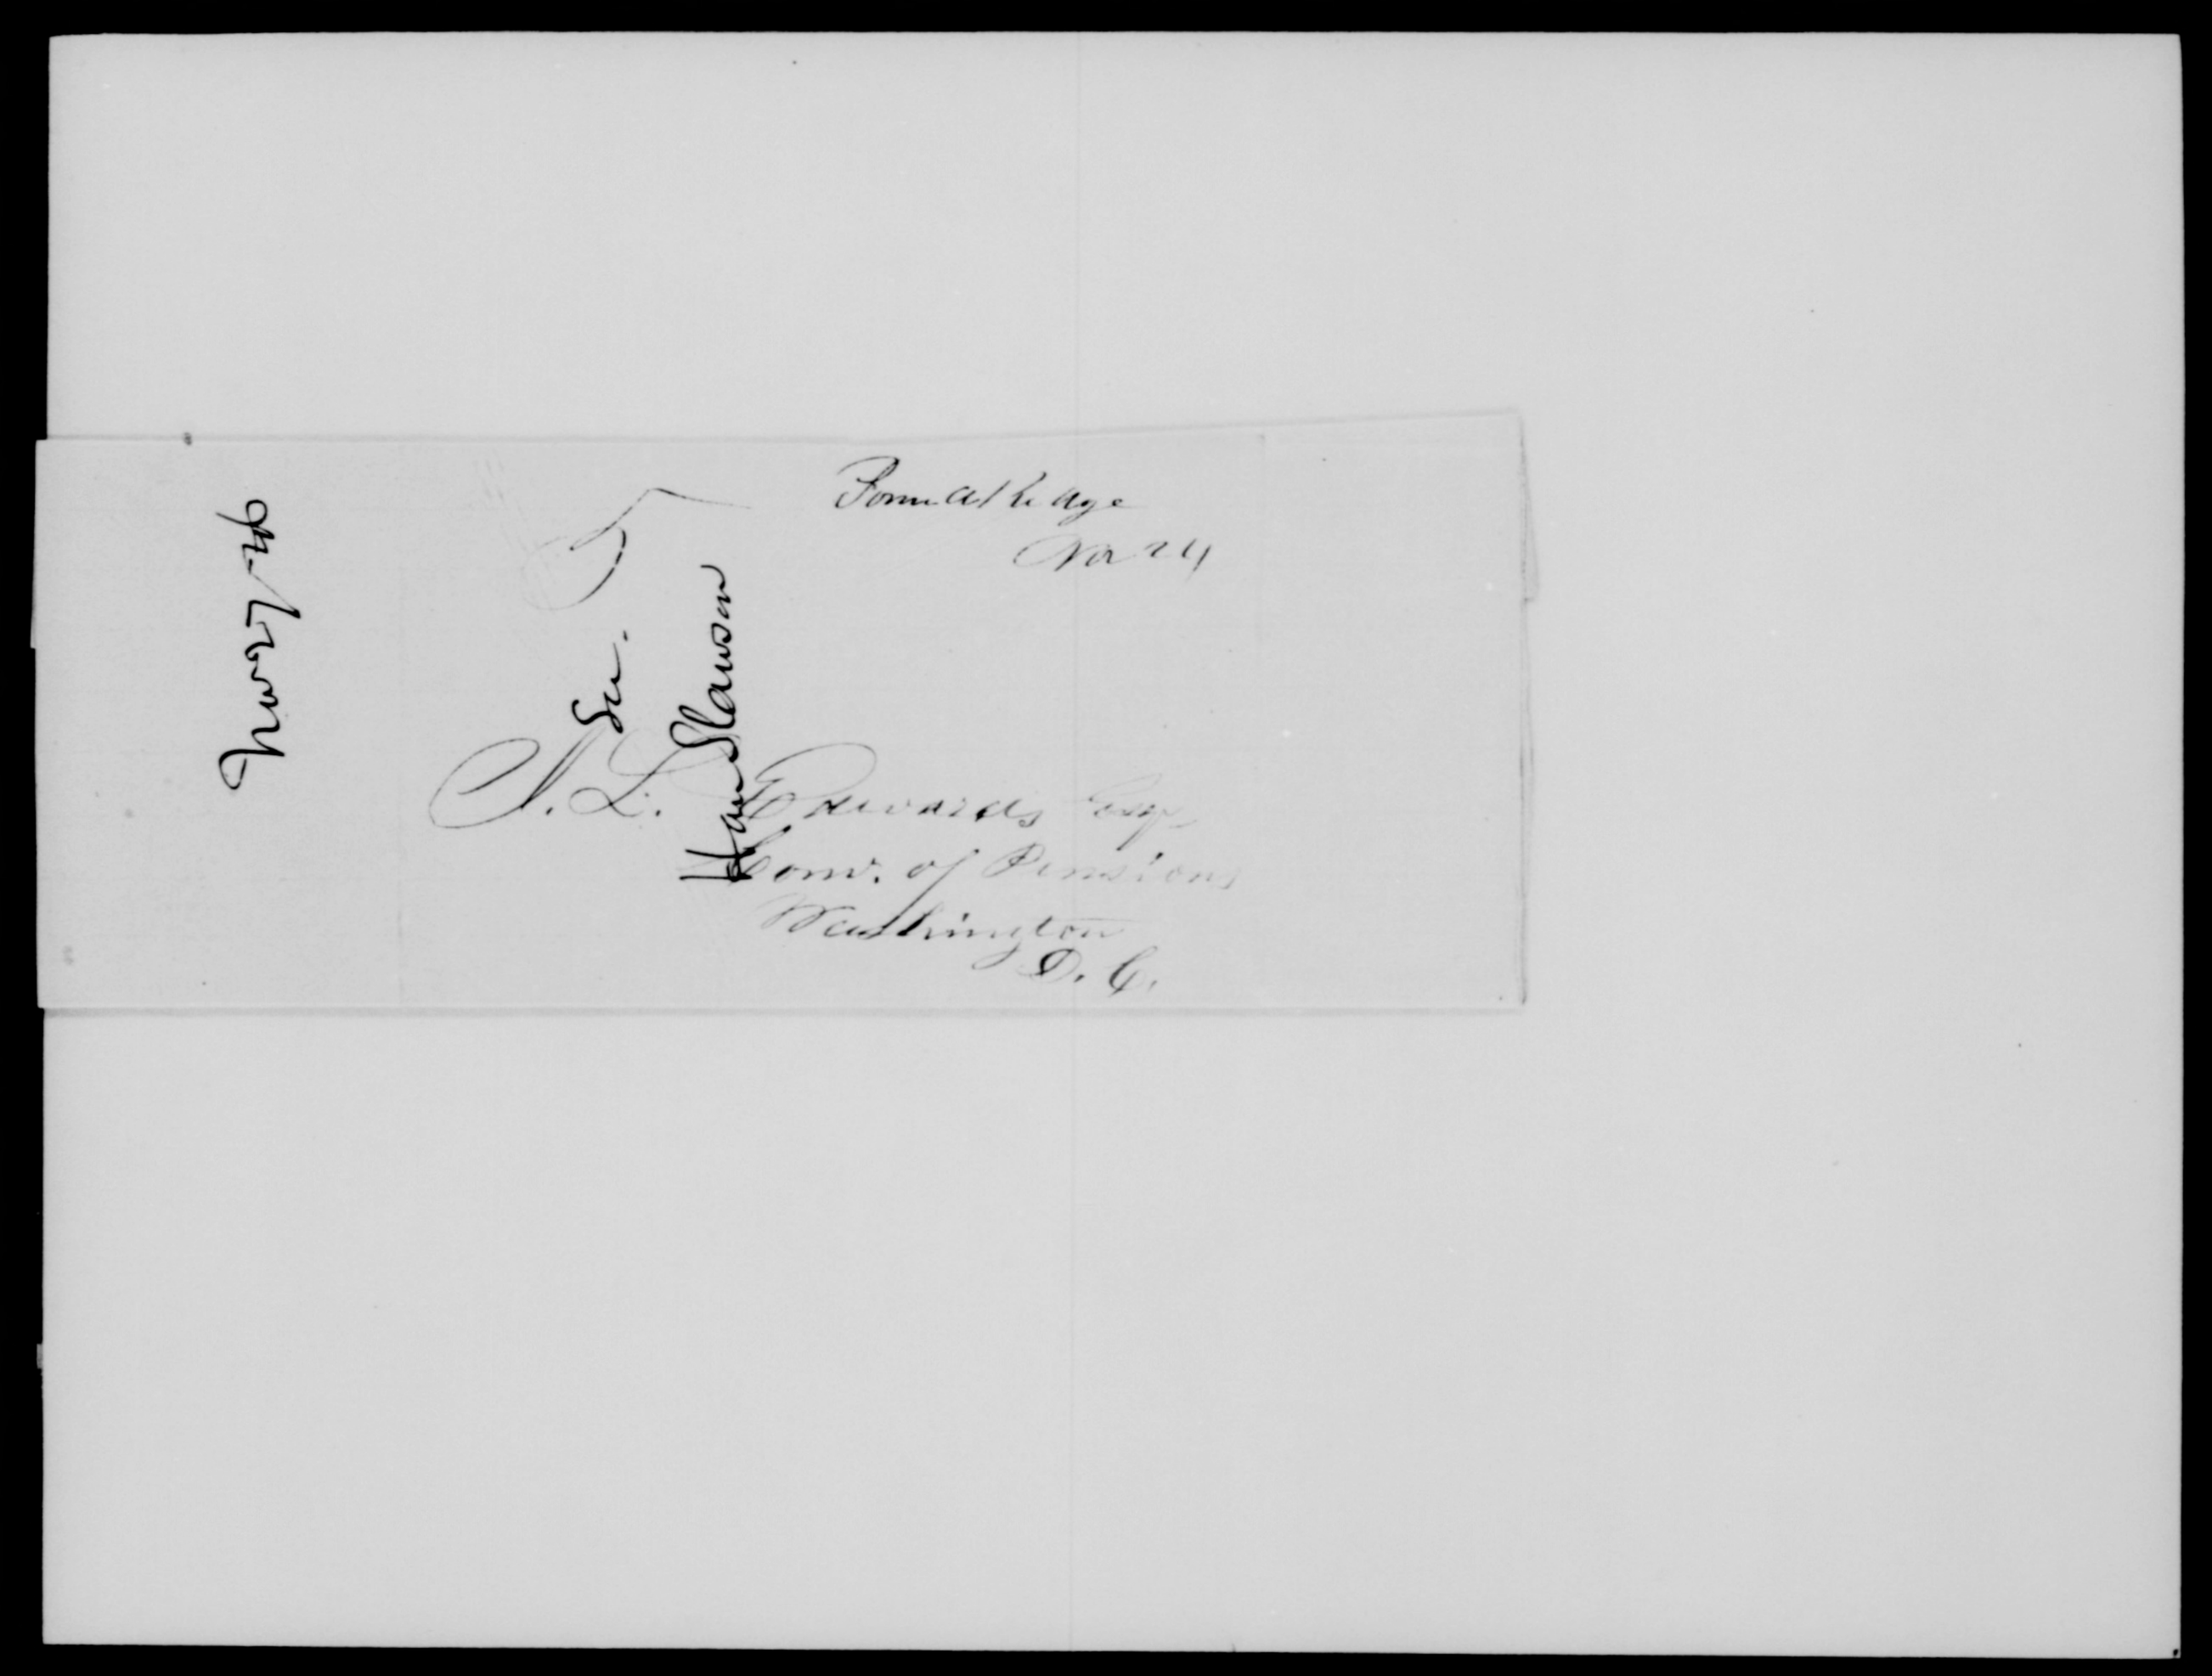Nov 27 46
Ser
Hannah Slawson
Pound Ridge
Mar 24
J. L. Edwards Esqr
Commr of Pensions
Washington D. C.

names: J L Edwards; [BLANK] Slawson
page: 71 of 87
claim: widow's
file: W. 22,226, for Nathan Slawson, Connecticut